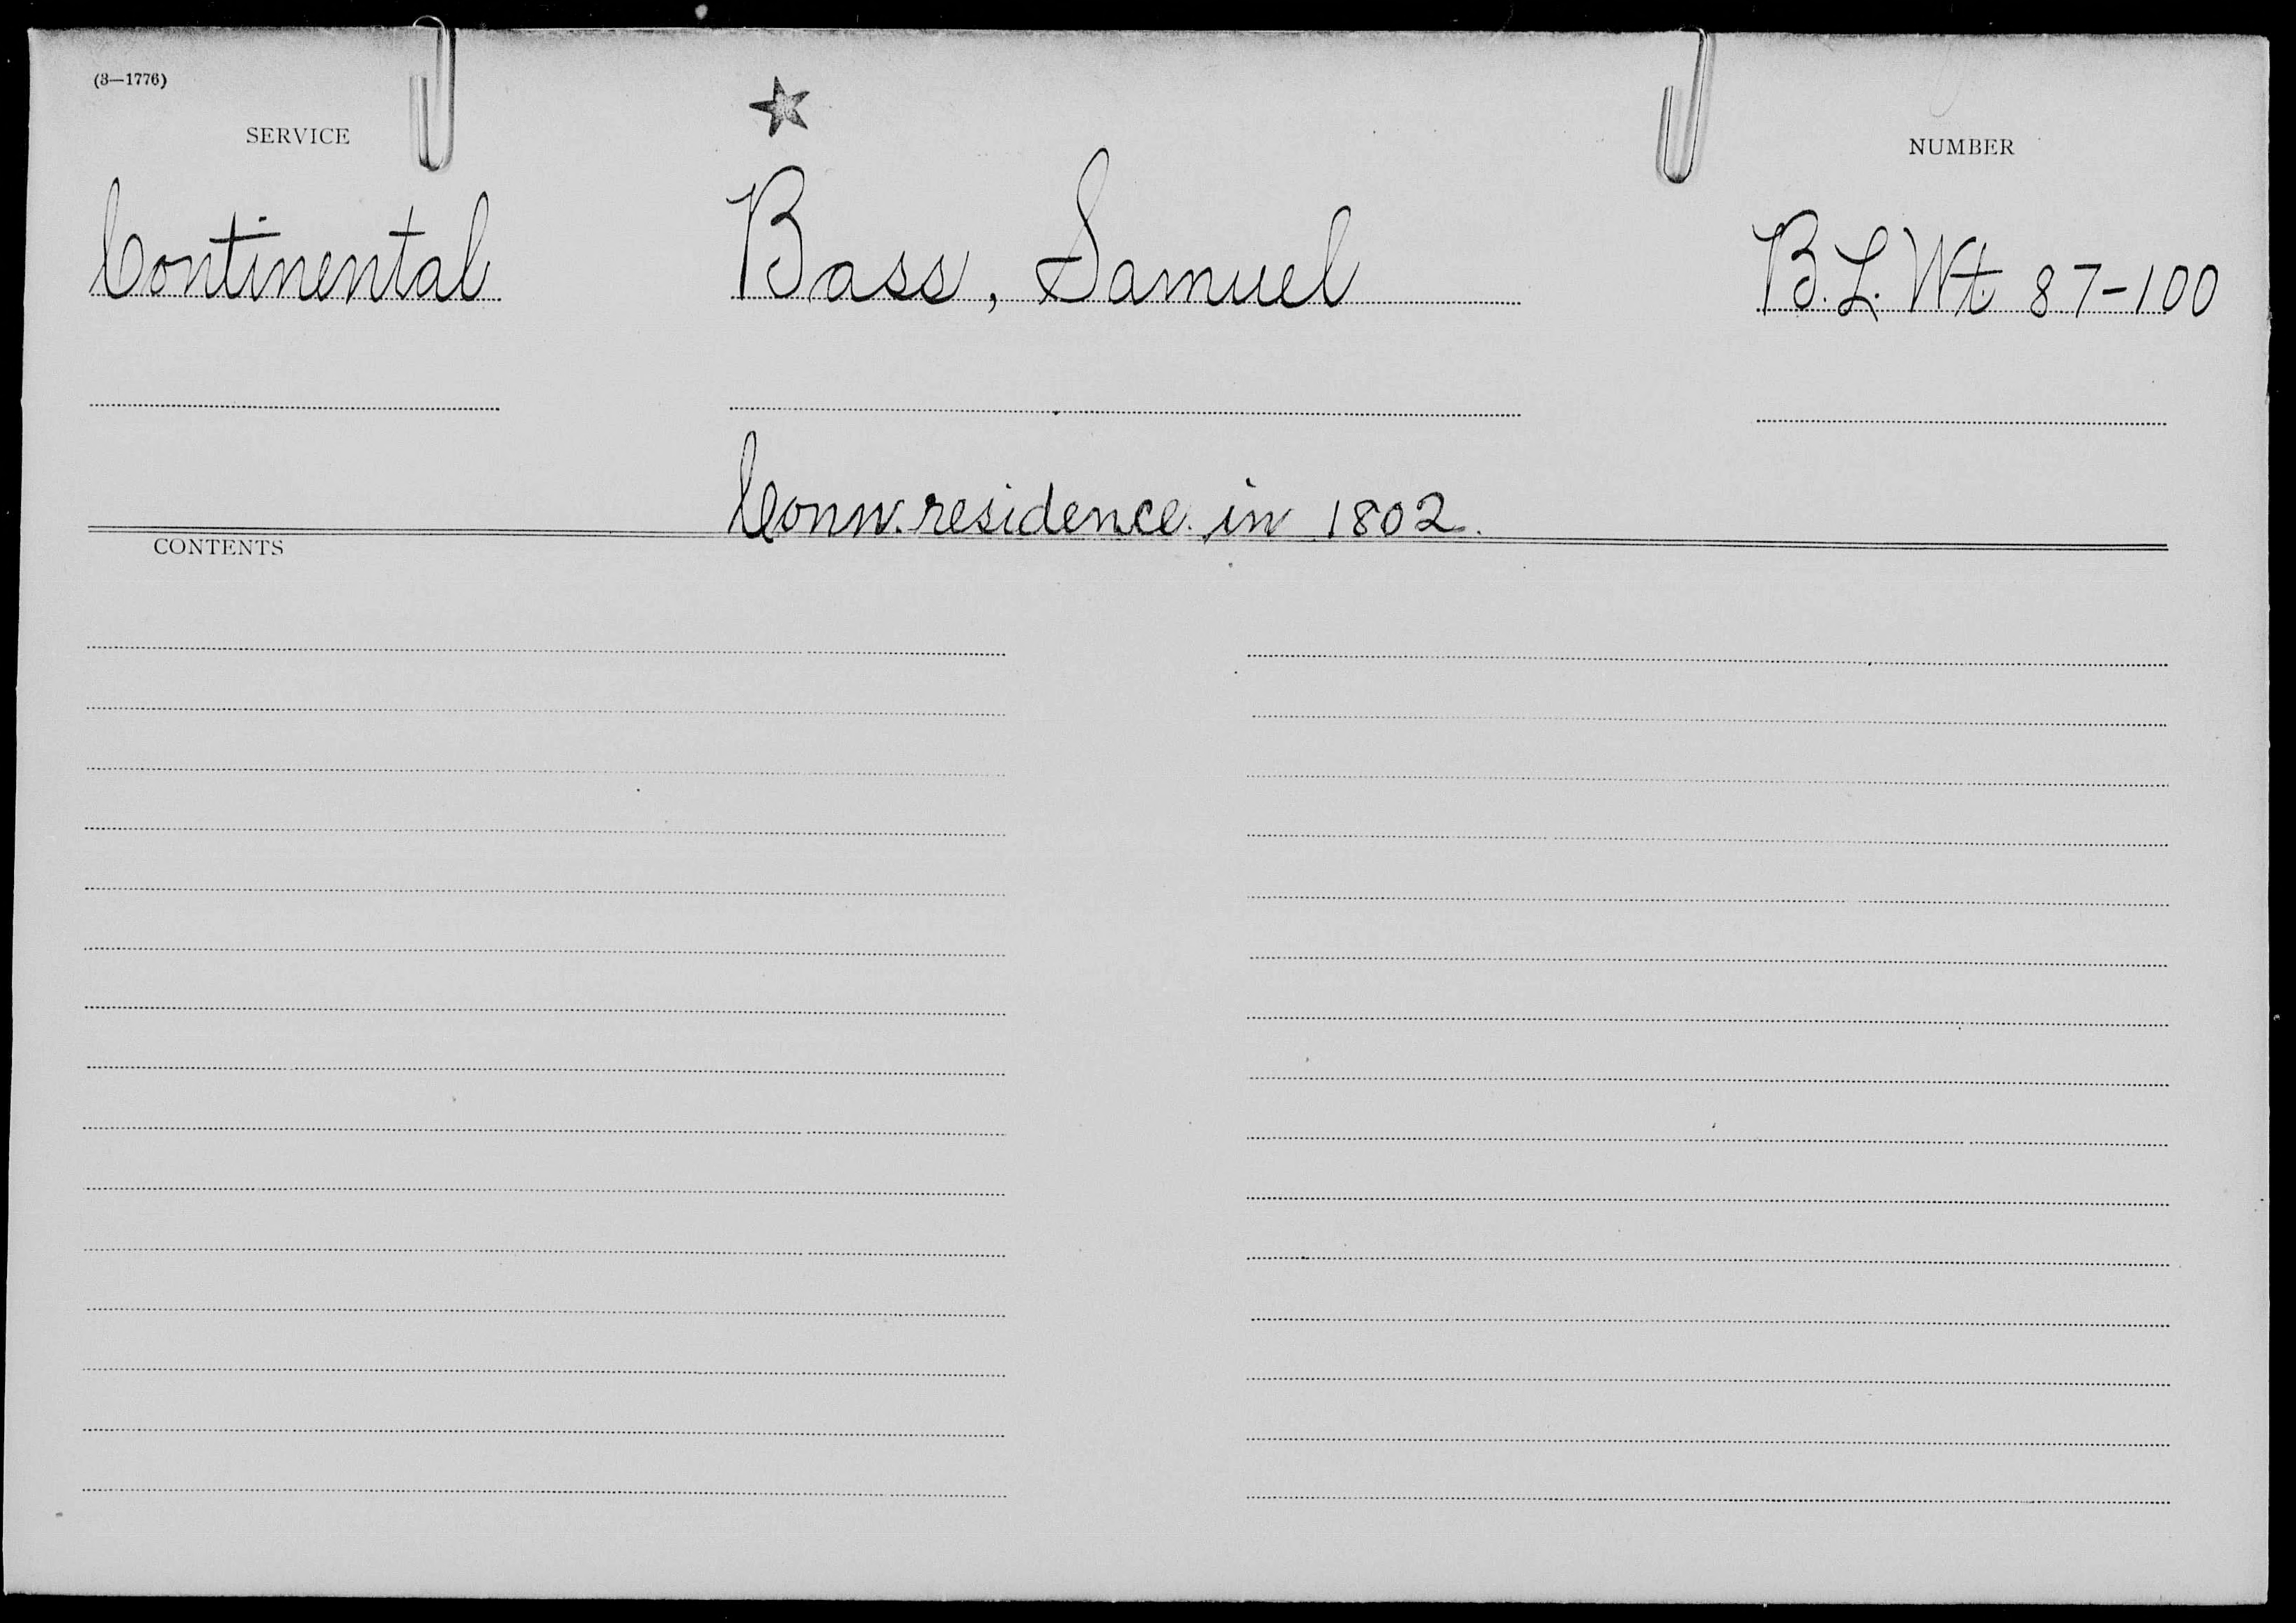SERVICE: Continental
* Bass, Samuel
NUMBER: BLWt 87-100
Conn. residence in 1802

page: 1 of 9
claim: bounty land warrant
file: B. L. Wt. 87-100, Samuel Bass, Continental